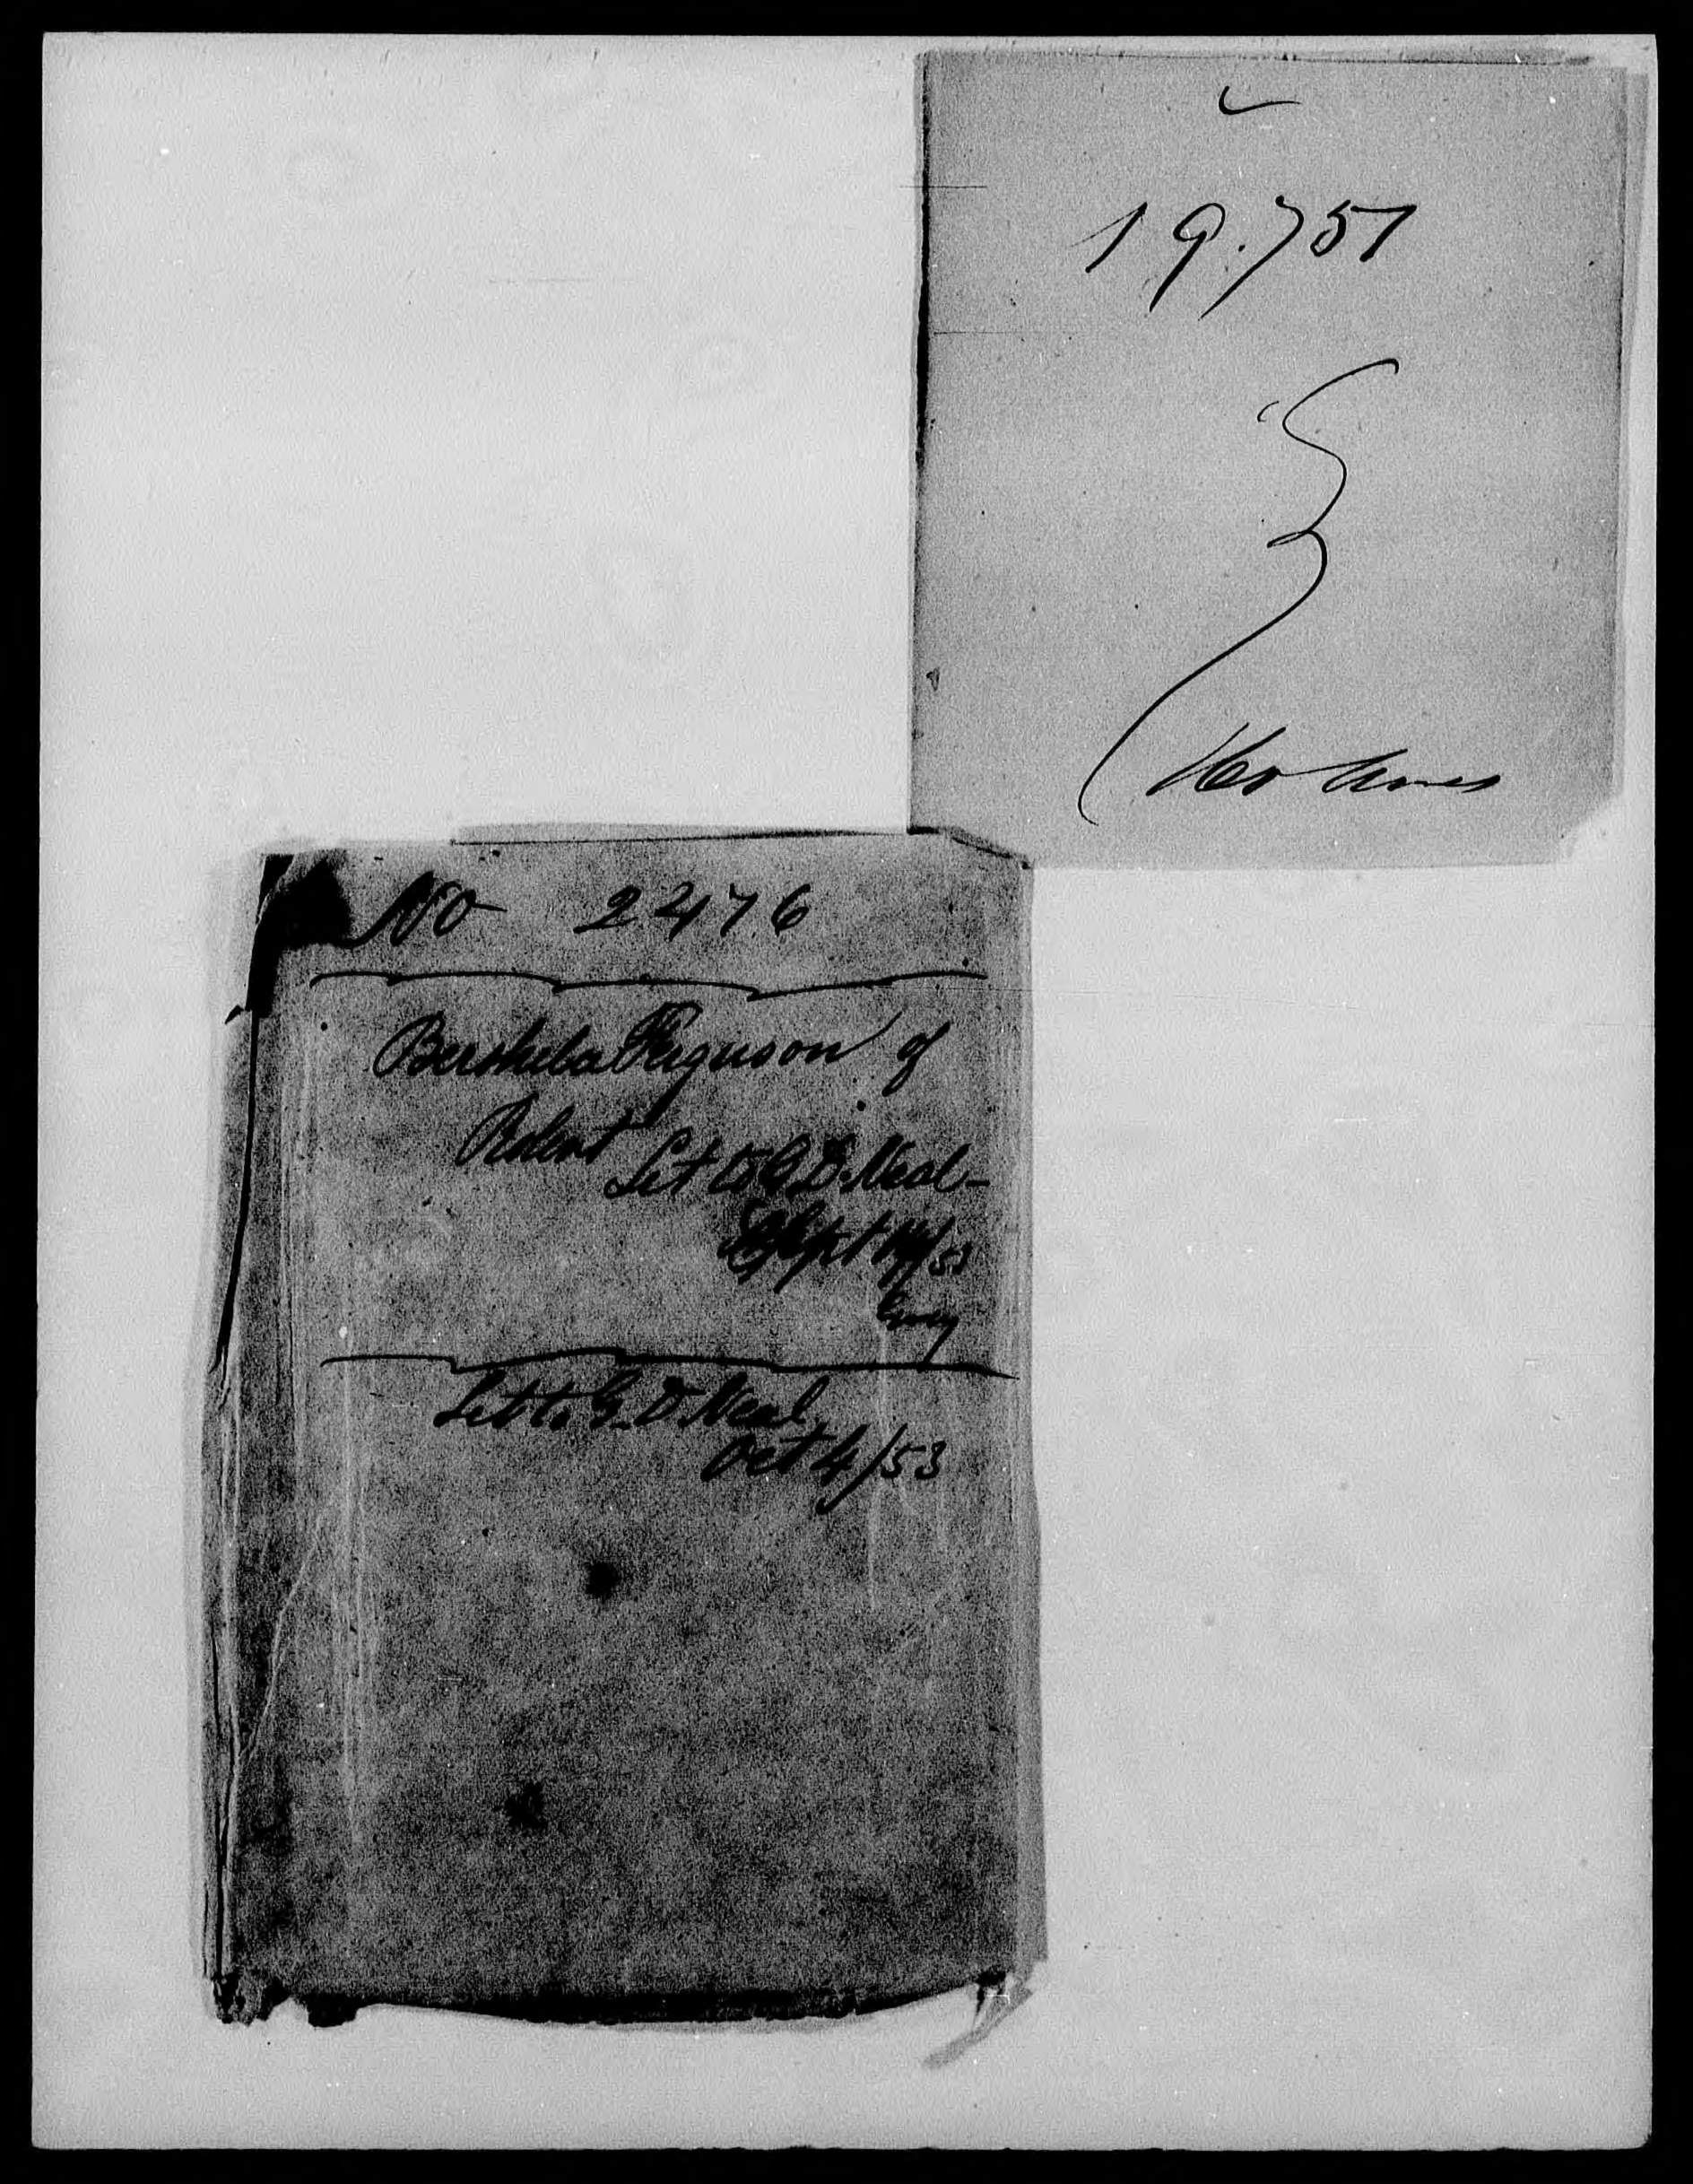19.757
No 2476
Bersheba Ferguson of
[illegible possibly Robert]
Letta S O' Neal-
[illegible
Letta S. O'Neal
Oct 4/53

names: Robert Ferguson, Besheba Ferguson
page: 25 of 81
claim: widow's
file: W. 7262, Robert Ferguson, Va.